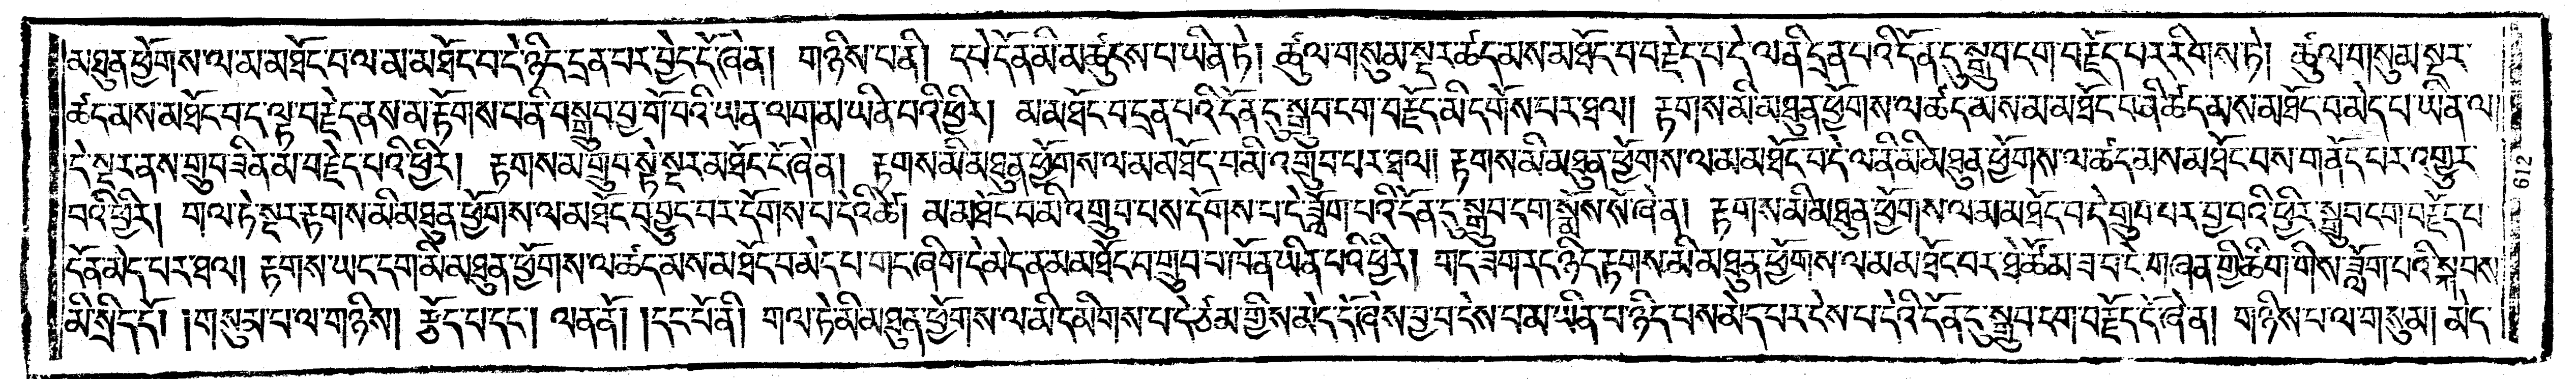མཐུན་ཕྱོགས་ལ་མ་མཐོང་བ་ལ་མ་མཐོང་བ་དེ་ཉིད་དྲན་པར་བྱེད་དོ་ཞེ་ན། གཉིས་པ་ནི། དཔེ་དོན་མི་མཚུངས་པ་ཡིན་ཏེ། ཚུལ་གསུམ་སྔར་ཚད་མས་མཐོང་བ་བརྗེད་པ་དེ་ལ་ནི་དྲན་པའི་དོན་དུ་སྒྲུབ་ངག་བརྗོད་པར་རིགས་ཏེ། ཚུལ་གསུམ་སྔར་
ཚད་མས་མཐོང་བ་ད་ལྟ་བརྗེད་ནས་མ་རྟོགས་པ་ནི་བསྒྲུབ་བྱ་གོ་བའི་ཡན་ལག་མ་ཡིན་པའི་ཕྱིར། མ་མཐོང་བ་དྲན་པའི་དོན་དུ་སྒྲུབ་ངག་བརྗོད་མི་དགོས་པར་ཐལ། རྟགས་མི་མཐུན་ཕྱོགས་ལ་ཚད་མས་མ་མཐོང་བ་ནི་ཚད་མས་མཐོང་བ་མེད་པ་ཡིན་ལ་
དེ་སྔར་ནས་གྲུབ་ཟིན་མ་བརྗེད་པའི་ཕྱིར། རྟགས་མ་གྲུབ་སྟེ་སྔར་མཐོང་ངོ་ཞེ་ན། རྟགས་མི་མཐུན་ཕྱོགས་ལ་མ་མཐོང་བ་མི་འགྲུབ་པར་ཐལ། རྟགས་མི་མཐུན་ཕྱོགས་ལ་མ་མཐོང་བ་དེ་ལ་ནི་མི་མཐུན་ཕྱོགས་ལ་ཚད་མས་མཐོང་བས་གནོད་པར་འགྱུར་
བའི་ཕྱིར། གལ་ཏེ་སྔར་རྟགས་མི་མཐུན་ཕྱོགས་ལ་མཐོང་བ་བྱུང་བར་དོགས་པ་དེའི་ཚེ། མ་མཐོང་བ་མི་འགྲུབ་པས་དོགས་པ་དེ་ཟློག་པའི་དོན་དུ་སྒྲུབ་ངག་སྨོས་སོ་ཞེ་ན། རྟགས་མི་མཐུན་ཕྱོགས་ལ་མ་མཐོང་བ་དེ་གྲུབ་པར་བྱ་བའི་ཕྱིར་སྒྲུབ་ངག་བརྗོད་པ་
དོན་མེད་པར་ཐལ། རྟགས་ཡང་དག་མི་མཐུན་ཕྱོགས་ལ་ཚད་མས་མཐོང་བ་མེད་པ་གང་ཞིག་དེ་མེད་ན་མ་མཐོང་བ་གྲུབ་པ་ཁོ་ན་ཡིན་པའི་ཕྱིར། གང་ཟག་རང་ཉིད་རྟགས་མི་མཐུན་ཕྱོགས་ལ་མ་མཐོང་བར་ཐེ་ཚོམ་ཟ་བ་དེ་ཞན་གྱི་ཚིག་གིས་ཟློག་པའི་སྐབས་
མི་སྲིད་དོ། །གསུམ་པ་ལ་གཉིས། རྩོད་པ་དང་། ལན་ནོ། །དང་པོ་ནི། གལ་ཏེ་མི་མཐུན་ཕྱོགས་ལ་མི་དམིགས་པ་དེ་ཙམ་གྱིས་མེད་དོ་ཞེས་བྱ་བ་ངེས་པ་མ་ཡིན་པ་ཉིད་པས་མེད་པར་ངེས་པ་དེའི་དོན་དུ་སྒྲུབ་ངག་བརྗོད་དོ་ཞེ་ན། གཉིས་པ་ལ་གསུམ། མེད་